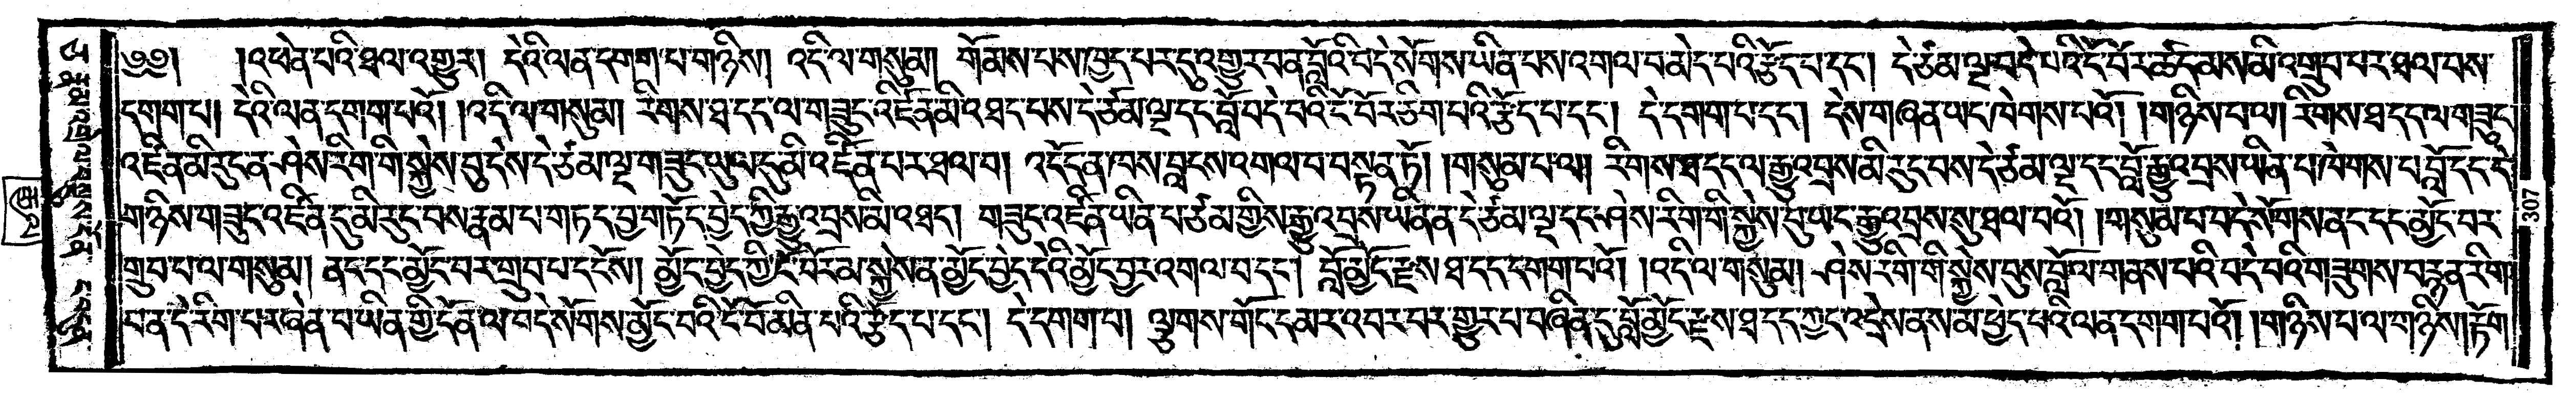༄༅། །འཕེན་པའི་ཐལ་འགྱུར། དེའི་ལན་དགག་པ་གཉིས། འདི་ལ་གསུམ། གོམས་པས་ཁྱད་པར་དུ་འགྱུར་བ་ན་བློའི་བདེ་སོགས་ཡིན་པས་འགལ་བ་མེད་པའི་རྩོད་པ་དང་། དེ་ཙམ་ལྔ་བདེ་བའི་ངོ་བོར་ཚད་མས་མི་འགྲུབ་པར་ཐལ་བས་
དགག་པ། དེའི་ལན་དགག་པའོ། །འདི་ལ་གསུམ། རིགས་ཐ་དད་ལ་གཟུང་འཛིན་མི་འཐད་པས་དེ་ཙམ་ལྔ་དང་བློ་བདེ་བའི་ངོ་བོར་ཅིག་པའི་རྩོད་པ་དང་། དེ་དགག་པ་དང་། དེས་གཞན་ཡང་ཁེགས་པའོ། །གཉིས་པ་ལ། རིགས་ཐ་དད་ལ་གཟུང་
འཛིན་མི་རུང་ན་ཤེས་རིག་གི་སྐྱེས་བུ་དེས་དེ་ཙམ་ལྔ་གཟུང་ཡུལ་དུ་མི་འཛིན་པར་ཐལ་བ། འདོད་ན་ཁས་བླངས་འགལ་བ་བསྟན་ཏོ། །གསུམ་པ་ལ། རིགས་ཐ་དད་ལ་རྒྱུ་འབྲས་མི་རུང་བས་དེ་ཙམ་ལྔ་དང་བློ་རྒྱུ་འབྲས་ཡིན་པ་ཁེགས་པ་བློ་དང་དེ་
གཉིས་གཟུང་འཛིན་དུ་མི་རུང་བས་རྣམ་པ་གཏད་བྱ་གཏོད་བྱེད་ཀྱི་རྒྱུ་འབྲས་མི་འཐད། གཟུང་འཛིན་ཡིན་པ་ཙམ་གྱིས་རྒྱུ་འབྲས་ཡིན་ན་དེ་ཙམ་ལྔ་དང་ཤེས་རིག་གི་སྐྱེས་བུ་ཡང་རྒྱུ་འབྲས་སུ་ཐལ་བའོ། །གསུམ་པ་བདེ་སོགས་ནང་དང་མྱོང་བར་
གྲུབ་པ་ལ་གསུམ། ནང་དང་མྱོང་བར་གྲུབ་པ་དངོས། མྱོང་བྱེད་ཀྱི་ངོ་བོར་མ་སྐྱེས་ན་མྱོང་བྱེད་དེའི་མྱོང་བྱར་འགལ་བ་དང་། བློ་མྱོང་རྫས་ཐ་དད་དགག་པའོ། །འདི་ལ་གསུམ། ཤེས་རིག་གི་སྐྱེས་བུས་བློ་ལ་གནས་པའི་བདེ་བའི་གཟུགས་བརྙན་རིག་
པ་ན་དེ་རིག་པར་ཞེན་པ་ཡིན་གྱི་དོན་ལ་བདེ་སོགས་མྱོང་བའི་ངོ་བོ་མིན་པའི་རྩོད་པ་དང་། དེ་དགག་པ། ལྕགས་གོང་དམར་འབར་བར་གྱུར་པ་བཞིན་དུ་བློ་མྱོང་རྫས་ཐ་དད་ཀྱང་འདྲེས་ནས་མ་ཕྱེད་པའི་ལན་དགག་པའོ། །གཉིས་པ་ལ་གཉིས། རྟོག་